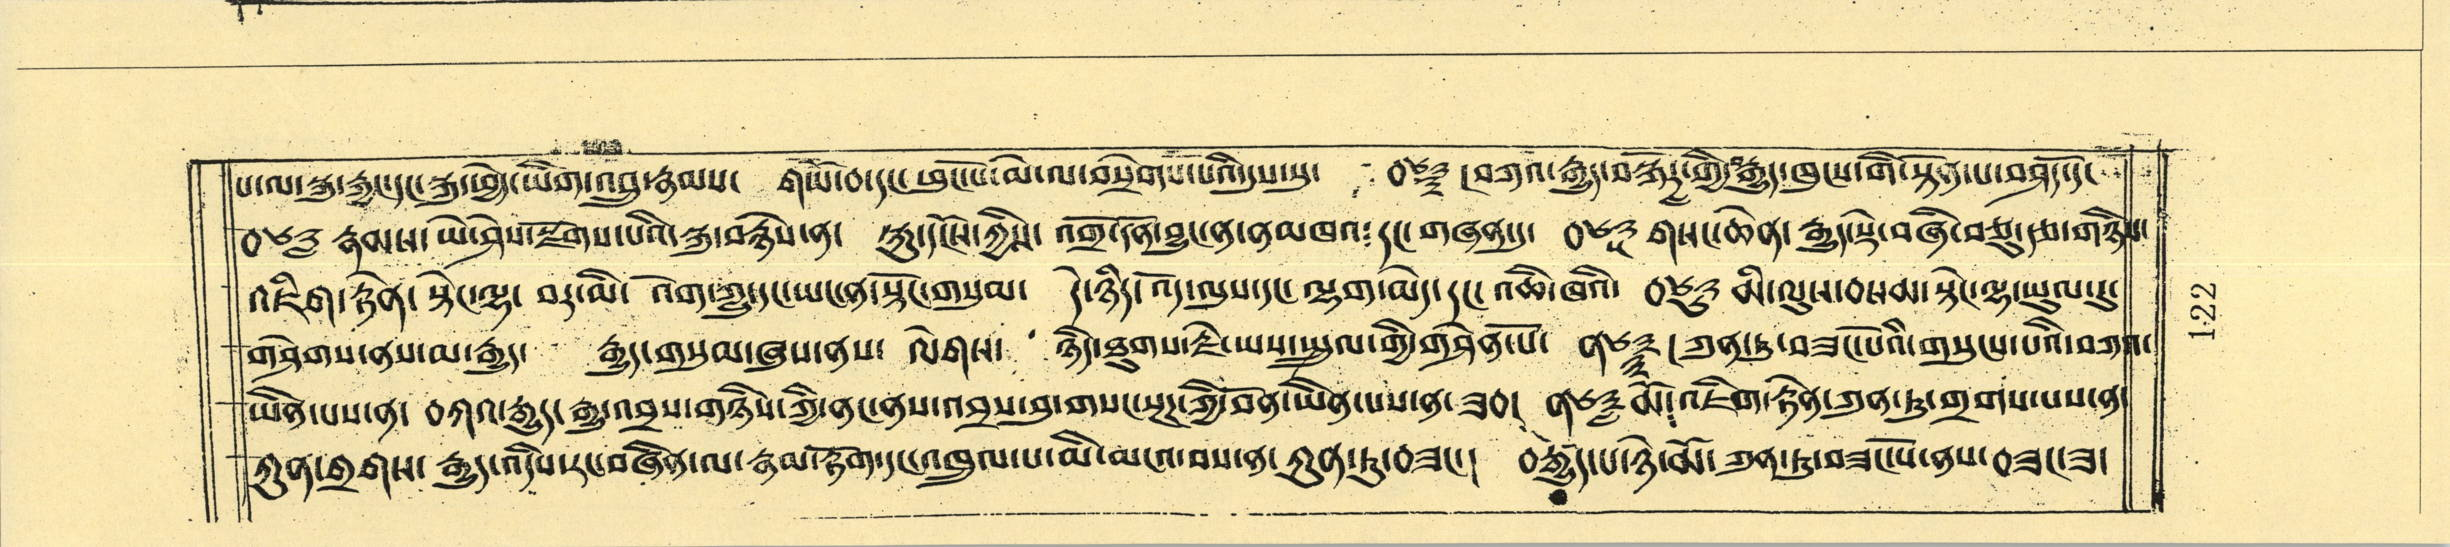པ་ལ་སྐུ་རྐྱང་དང་སྐུ་ཕྱེད་ཡིག་འབྲུ་རྣམས་༼གཡོ་བ་དང༽ཕུང་པོ་མེ་ལ་བསྲེགས་པའི་དུས་སུ་ བ༦༢།༣ བཀའ་བརྒྱུད་སྐོར་བཞི་ཡི་བརྒྱུད་ཁུངས་ཀྱི་སྟོན་པ་བཤད་དོ། 
བ༦༢།༤༼རྣམས༽ཡེ་ཤེས་རྫོགས་པའི་སྐུ་བརྙེས་ན་༼སྐུ་དངོས་ཀྱིས༽འགྲོ་དོན་བྱུང་ན་ནམ་མཁའ་༼དང༽གཞན་དུ་བ༦༢།༥༼གསང་ཆེན༽རྒྱུད་སྡེ་བཞི་བཅུ་རྩ་གཉིས་
༼འཇིག་རྟེན༽སྟེང་ལྷ་བར་མི་འོག་ཀླུ་དང་ཡང་ན་སྟོང་གསུམ་༼དེ་ཉིད༽འོད་ལུས་དང་ལྷག་མེད་༼དང༽འཆི་ཁའི་བ༦༢།༦༼མི་ལུས་བསམ༽སྟེང་ལྷ་ཡུལ་དུ་
གཤེགས་ནས་མ་རྒྱུད་རྒྱུད་ གསུམ་ཞུས་ནས་༼ལེགས༽ཉིད་ཐུགས་རྗེ་ཡས་སྤྲུལ་གྱི་གཤེན་པོ་ན༦༣།༣ ཀུན་ཏུ་བཟང་པོས་གསུངས་པའི་བཀའ་
ཡིན་པས་ན་ བཀའ་བརྒྱུད་རྒྱུ་འབྲས་གཉིས་ཀྱི་ནང་ནས་འབྲས་བུ་གསང་སྔགས་ཀྱི་བོན་ཡིན་པས་ན་༼ཟབ༽ན༦༣།༤ ༼མོ༽འཇིག་རྟེན་ཀུན་ཏུ་གྲགས་པས་ན་
ཀུན་གྲགས་རྒྱུད་འདིས་རང་བཞིན་ལ་རྣམ་རྟོག་དང་འཁྲུལ་པ་མི་མངའ་བས་ན་༼ཀུན་ཏུ་བཟང་༽༼བརྒྱུད་པ་ཉེ་མོ༽ཀུན་ཏུ་བཟང་པོ་ནས་༼བཟང་ཟ༽